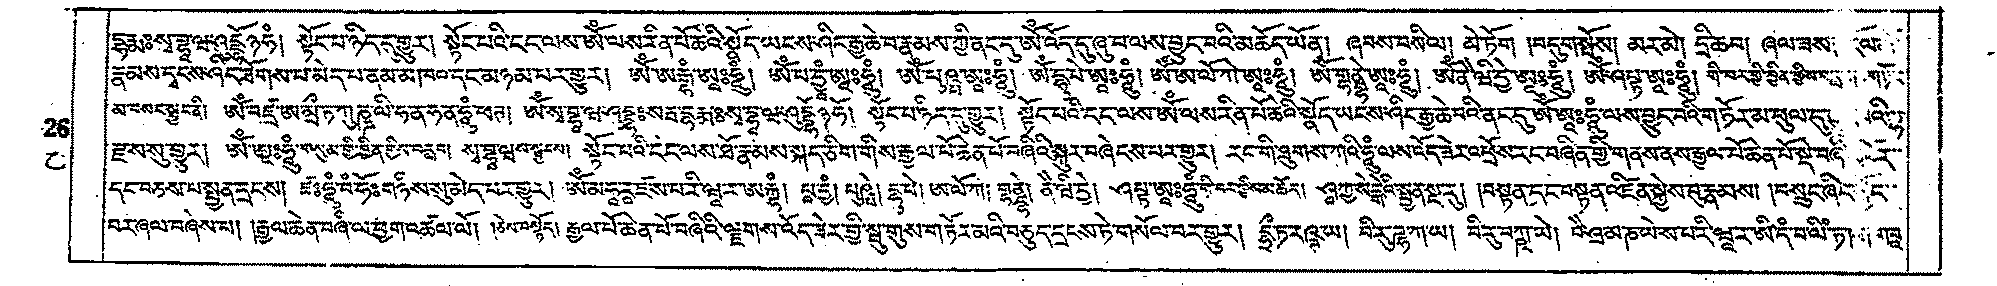དྷརྨཿསྭ་བྷཱ་ཝ་ཤུདྡྷོཉྷཾ། སྟོང་པ་ཉིད་དུ་གྱུར། སྟོང་པའི་ངང་ལས་ཨོཾ་ལས་རིན་པོ་ཆེའི་སྣོད་ཡངས་ཤིང་རྒྱ་ཆེ་བ་རྣམས་ཀྱི་ནང་དུ་ཨོཾ་འོད་དུ་ཞུ་བ་ལས་བྱུང་བའི་མཆོག་ཡོན། ཞབས་བསིལ། མེ་ཏོག །བདུག་སྤོས། མར་མེ། དྲི་ཆབ། ཞལ་ཟས། རོལ་མོ་
རྣམས་དྭངས་ཤིང་ཐོགས་པ་མེད་པ་ནམ་མཁའ་དང་མཉམ་པར་གྱུར། ཨོཾ་ཨརྒྷཾ་ཨཱཿཧཱུཾ། ཨོཾ་པ་དྱཱཾ་ཨཱཿཧཱུཾ། ཨོཾ་པུཥཔ་ཨཱཿཧཱུ། ཨོཾ་དྷུ་པེ་ཨཱཿཧཱུཾ། ཨོཾ་ཨ་ལོ་ཀེ་ཨཱཿཧཱུཾ། ཨོཾ་གྷནྡྷེ་ཨཱཿཧཱུཾ། ཨོཾ་ནཻ་ཝི་དྱེ་ཨཱཿཧཱུཾ། ཨོཾ་ཤྤྟ་ཨཱཿ ཧཱུཾ། གི་བར་གྱི་བྱིན་གྱིས་བརླབ། གཏོར་
མ་བསང་སྦྱང་ནི། ཨོཾ་བརྫྲ་ཨ་མྲྀ་ཏ་ཀུཎྜ་ལི་ཧ་ན་ཧ་ན་ཧཱུཾ་ཕཊ། ཨོཾ་སྭ་བྷཱ་ཝ་ཤུདྡྷཿསརྦ་དྷརྨཿསྭ་བྷཱ་ཝ་ཤུདྡྷོ་ཉཧོ། སྟོང་པ་ཉིད་དུ་གྱུར། སྟོང་པའི་ངང་ལས་ཨོཾ་ལས་རིན་པོ་ཆེའི་སྣོད་ཡངས་ཤིང་རྒྱ་ཆེ་བའི་ནང་དུ་ཨོཾ་ཨཱཿཧཱུཾ་ལས་བྱུང་བའི་གཏོར་མ་ཕུལ་དུ་གྱུར་བའི་ལྷ?
རྫས་སུ་གྱུར། ཨོཾ་ཨཱཿཧཱུཾ་གསུམ་གྱི་བྱིན་གྱིས་བརླབ། སྭ་བྷཱ་ཝས་སྦྱངས།  སྟོང་པའི་ངང་ལས་ཐོ་རྣམས་སྐད་ཅིག་གིས་རྒྱལ་པོ་ཆེན་པོ་བཞིའི་སྐུར་བཞེངས་པར་གྱུར། རང་གི་ཐུགས་ཀའི་ཧཱུཾ་ལས་འོད་ཟེར་འཕྲོས་རང་བཞིན་གྱི་གནས་ནས་རྒྱལ་པོ་ཆེན་པོ་སྡེ་བཞིན་འཁོར་་་
དང་བཅས་པ་སྤྱན་དྲངས། རྫཿཧཱུཾ་བཾ་ཧོཿགཉིས་སུ་མེད་པར་གྱུར། ཨོཾ་མྷཱ་རཱ་རྫ་ས་པ་རི་ཝཱ་ར་ཨརྒྷཾ། པཱ་དྱཾ། པུཥྤེ། དྷུ་པེ། ཨ་ལོ་ཀེ། གྷནེདྷ། ནཻ་ཝི་དྱེ། ཤཔྟ་ཨཱཿཧཱུཾ་གི་བར་གྱིས་མཆོད།  ཤཱཀྱ་སེངྒེའི་སྤྱན་སྔ་རུ། །བསྟན་དང་བསྟན་འཛིན་སྐྱེས་བུ་རྣམས། །བསྲུང་ཞིང་སྦྱོང་་་
བར་ཞལ་བཞེས་པ། །རྒྱལ་ཆེན་བཞི་ལ་ཕྱག་འཚལ་ལོ། །ཅེས་བསྟོད།  རྒྱལ་པོ་ཆེན་པོ་བཞིའི་ལྗགས་འོད་ཟེར་གྱི་སྦུ་གུས་གཏོར་མའི་བཅུད་དྲངས་ཏེ་གསོལ་བར་གྱུར། དྷྲྀ་ཏ་རཥཊ་ཡ། བི་རུ་ཌྷ་ཀ་ཡ། བི་རུ་བཀྵ་ཡེ། བཻ་ཤྲ་མ་ཎ་ཡེ་ས་པ་རི་ཝཱ་ར་ཨི་དཾ་བ་ལིཾ་ཏ། གོབ་ཁཱ?